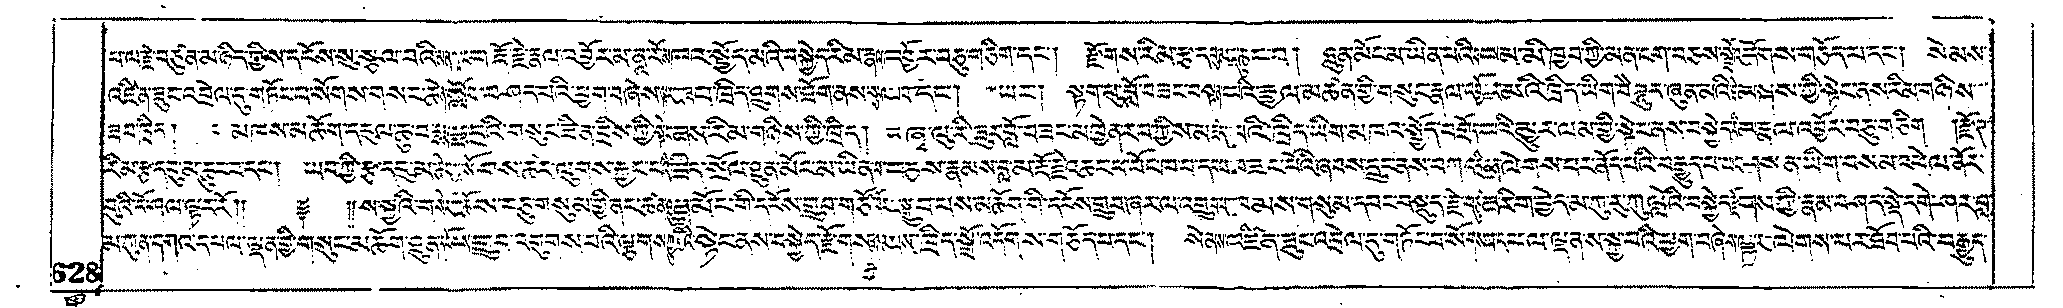པ་ལ་རྗེ་བཙུན་མ་ཉིད་ཀྱིས་དངོས་སུ་སྩལ་བའི་མན་ངག་རྡོ་རྗེ་རྣལ་འབྱོར་མ་ནཱ་རོ་མཁའ་སྤྱོད་མའི་བསྐྱེད་རིམ་རྣལ་འབྱོར་བཅུ་གཅིག་དང་། རྫོགས་རིམ་རྩ་དབུ་མ་ཆུང་བ། ཐུན་མོང་མ་ཡིན་པའི་བསམ་མི་ཁྱབ་ཀྱི་མན་ངག་བཅས་སྒྲོ་འདོགས་གཅོད་པ་དང་། སེམས་
འཛིན་ཟུང་འབྲེལ་དུ་གཏོང་བ་སོགས་གསང་ཆེན་སློབ་བཤད་པའི་ཕྱག་བཞེས་ལྟར་ཟབ་ཁྲིད་ཐུགས་ཐོག་ནས་སྩལ་བ་དང་། ༧ཡང་། སྟག་ཕུ་བློ་བཟང་བསྟན་པའི་རྒྱལ་མཚན་གྱི་གསུང་རྣལ་འབྱོར་མའི་ཁྲིད་ཡིག་བཻཌཱུར་ཞུན་མའི་ཐེམ་སྐས་ཀྱི་སྟེང་ནས་རིམ་གཉིས་
ཟབ་ཁྲིད། ༧མཁས་མཆོག་དངུལ་ཆུ་བ་དྷརྨ་བྷ་དྲའི་གསུང་ཟིན་བྲིས་ཀྱི་སྟེང་ནས་རིམ་གཉིས་ཀྱི་ཁྲིད། ༧ཞྭ་ལུ་རི་ཟུར་བློ་བཟང་མཁྱེན་རབ་གྱིས་མཛད་པའི་ཁྲིད་ཡིག་མཁའ་སྤྱོད་བགྲོད་པའི་མྱུར་ལམ་གྱི་སྟེང་ནས་བསྐྱེད་རིམ་རྣལ་འབྱོར་བཅུ་གཅིག །རྫོཌ་
རིམ་རྩ་དབུ་མ་ཆུང་བ་དང་། ཡབ་ཀྱི་རྩ་དབུ་མ་ཆེ་བ་སོགས་ཚར་ལུགས་རྐྱང་པའི་ཁྲིད་སྲོལ་ཐུན་མོང་མ་ཡིན་པ་བཅས་རྣམས་བླ་མ་རྡོ་རྗེ་འཆང་ཕ་བོང་ཁ་པ་དཔལ་བཟང་པོའི་ཞབས་དྲུང་ནས་བཀའ་དྲིན་ལེགས་པར་ནོད་པའི་བརྒྱུད་པ་ཡང་གསན་ཡིག་བསམ་འཕེལ་ནོར་
བུའི་དོ་ཤལ་ལྟར་རོ།། འ་།།ས་སྐྱའི་གསེར་ཆོས་བཅུ་གསུམ་གྱི་ནང་ཚན་ཐུན་མོང་གི་དངོས་གྲུབ་གཙོ་བོར་སྒྲུབ་པས་མཆོག་གི་དངོས་གྲུབ་ཞར་ལ་འགྲུབ་པ་ཁམས་གསུམ་དབང་བསྡུད་རྗེ་བཙུན་རིག་བྱེད་མ་ཀུ་རུ་ཀུ་ལླེའི་བསྐྱེད་རྫོགས་ཀྱི་རྣམ་བཤད་སྡེ་དགེ་ཤར་བླ་
མ་ཀུན་དགའ་དཔལ་ལྡན་གྱི་གསུང་མཆོག་ཐུན་དངོས་གྲུབ་འགུགས་པའི་ལྕགས་ཀྱུའི་སྟེང་ནས་བསྐྱེད་རྫོགས་ཀྱི་ཉམས་ཁྲིད་སྒྲོ་འདོགས་གཅོད་པ་དང་། སེམས་འཛིན་ཟུང་འབྲེལ་དུ་གཏོང་བ་སོགས་དཔལ་ལྡན་ས་སྐྱ་བའི་ཕྱག་བཞེས་ལྟར་ལེགས་པར་ཐོབ་པའི་བརྒྱུད་